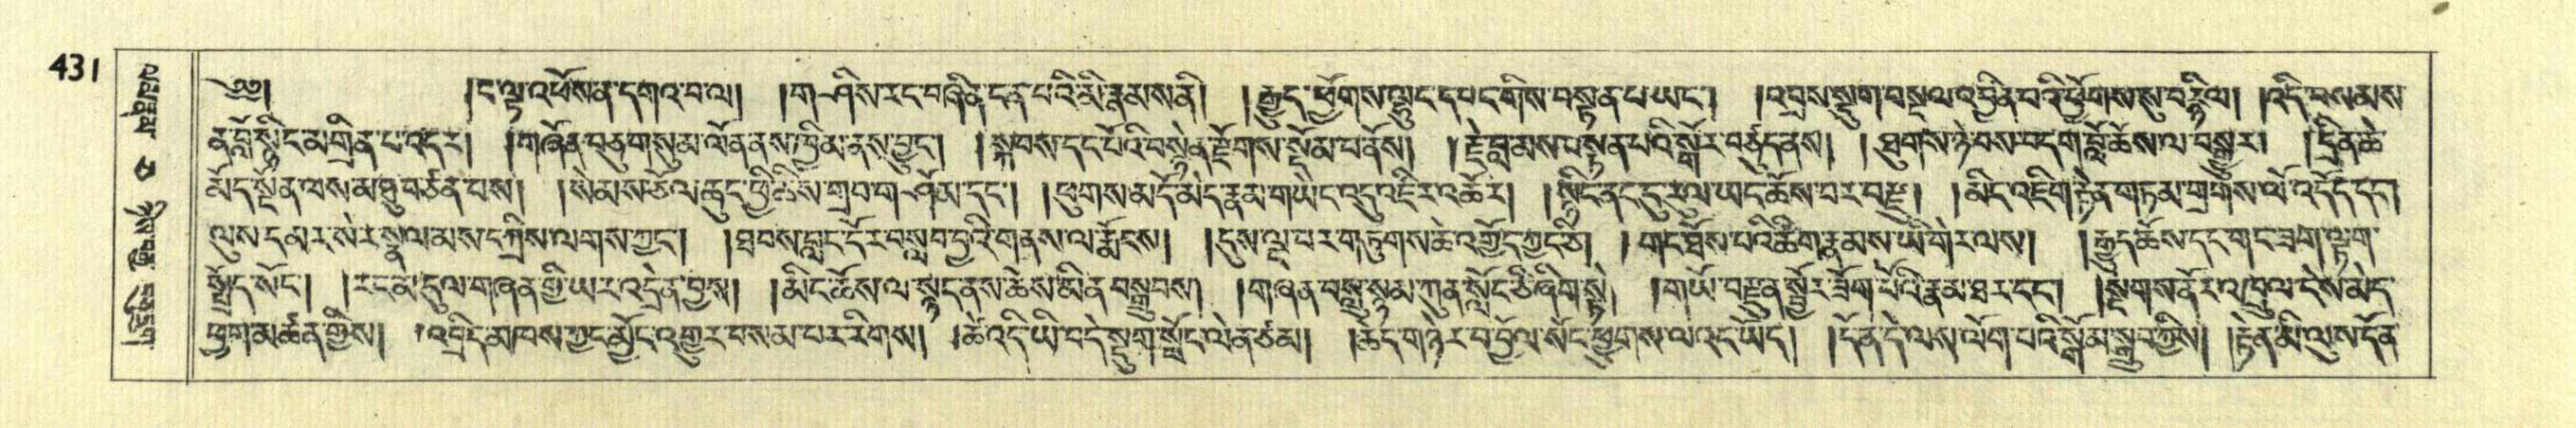༄༅། །བ་ལྟ་འཕོས་ན་དགའ་བ་ལ། །གཤིས་རང་བཞིན་ངན་པའི་མི་རྣམས་ནི། །རྒྱུད་ཕྱོགས་ལྷུང་དབང་གིས་བསྟན་པ་ཡང་། །འབྲས་སྡུག་བསྔལ་འབྱིན་པའི་ཕྱོགས་སུ་བརྙིལ། །འདི་བསམས་
ན་བློ་སྙིང་མགྲིན་པ་འདར། །གཞོན་བཅུ་གསུམ་ལོན་ནས་ཁྱིམ་ནས་བྱུང་། །སྐབས་དང་པོའི་བསྙེན་རྫོགས་སྡོམ་པ་ནོས། །རྗེ་བླ་མས་བསྟན་པའི་སྒོར་བཙུད་ནས། །ཐུགས་ཉེ་བས་བདག་བློ་ཆོས་ལ་བསྒྱུར། །དྲིན་ཆེ་
མོད་སྔོན་ལས་མཐུ་བ་ཙན་པས། །སེམས་ཅོལ་ཆུང་ཕྱི་ཆིས་གྲབ་གཤོམ་དང་། །ཕུགས་མདོ་མེད་རྣམ་གཡེང་འདུ་འཛིར་འཆོར། །སྙིང་ནང་དུ་རུལ་ཡང་ཆོས་བར་བརྫུ། །མིང་འཇིག་རྟེན་གཏམ་གྲགས་ལོ་འདོད་དང་།
ལུས་དམར་སེར་སྣལ་མས་དཀྲིས་ལགས་ཀྱང་། །ཐབས་བླང་དོར་བསླབ་བྱའི་གནས་ལ་རྨོངས། །དུས་ལྔ་པར་གཏུགས་ཆེ་འགྱོད་ཀྱང་ཅི། །གང་ཐོས་པའི་ཚིག་རྣམས་ཡི་གེར་ལས། །རྒྱུད་ཆོས་དང་གང་ཟག་ལྟར་
སྤྲོད་སོང་། །རང་མ་དུལ་གཞན་གྱི་ཡར་འདྲེན་བྱས། །མིང་ཆོས་ལ་སྙད་ནས་ཆོས་མིན་བསྒྲུབས། །གཞན་བསླུ་སྙམ་ཀུན་སློང་ཅི་ཞིག་སྟེ། །གཡོ་བརྫུན་སྦྱོར་ཟོག་པོའི་རྣམ་ཐར་དང་། །སྔགས་ནོར་འཁྲུལ་དེས་མེད་
ཕྱག་མཚན་གྱིས། །འབྲིད་མཁས་ཀྱང་མྱོང་འགྱུར་བསམ་པར་རིགས། །ཚེ་འདི་ཡི་བདེ་སྡུག་སློང་ལེན་ཙམ། །ཆེད་གཉེར་བ་བྱོལ་སོང་ཕྱུགས་ལའང་ཡོད། །དོན་དེ་ལས་ལོག་པའི་སྒོམ་སྒྲུབ་ཀྱིས། །རྟེན་མི་ལུས་དོན་